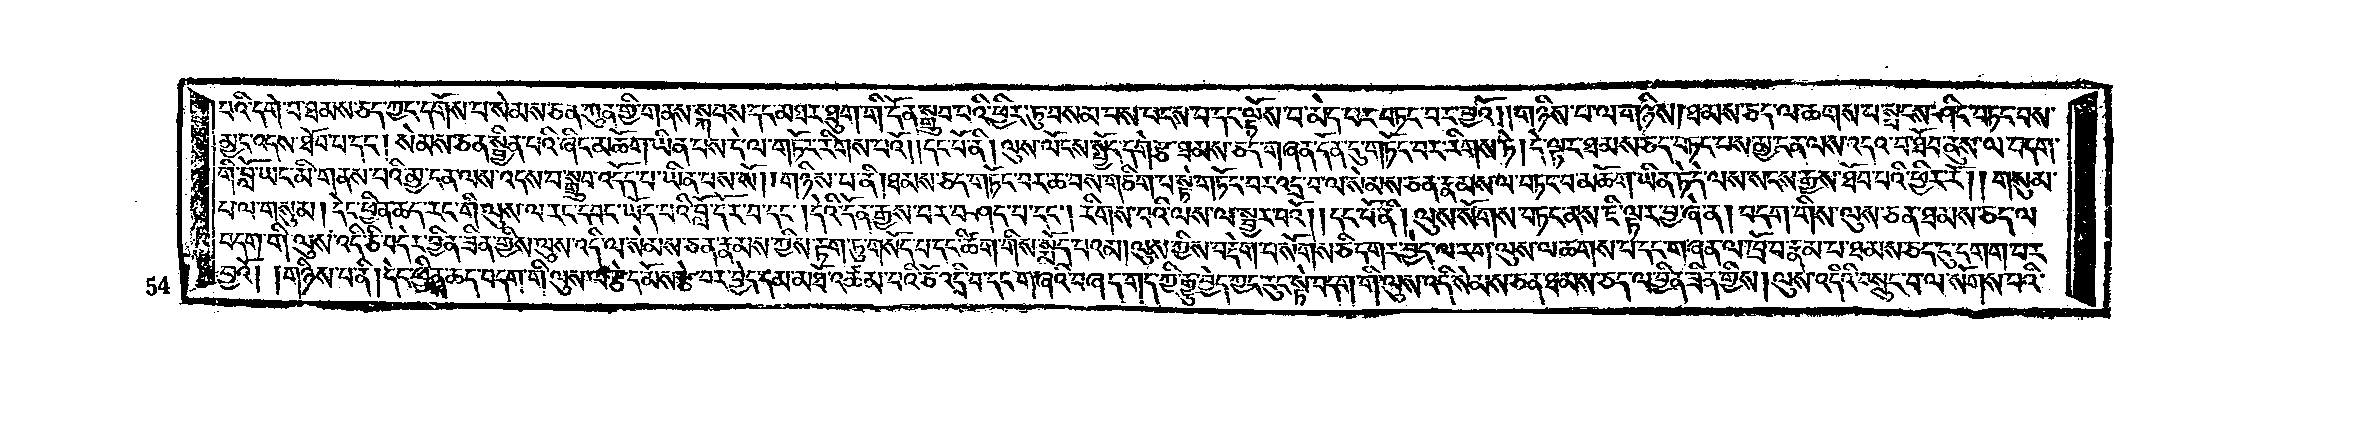པའི་དགེ་བ་ཐམས་ཅད་ཀྱང་དགོས་པ་སེམས་ཅན་ཀུན་གྱིས་གནས་སྐབས་དང་མཐར་ཐུག་གི་དོན་སྒྲུབ་པའི་ཕྱིར་ཏུ་བསམ་པས་བདས་པ་དང་ལྟོས་པ་མེད་པར་བཏང་བར་བྱའོ། །གཉིས་པ་ལ་གཉིས། ཐམས་ཅད་ལ་ཆགས་པ་སྤངས་ཤིང་བཏང་བས་
མྱང་འདས་ཐོབ་པ་དང་། སེམས་ཅན་སྦྱིན་པའི་ཞིང་མཆོག་ཡིན་པས་དེ་ལ་གཏོར་རིགས་པའོ། །དང་པོ་ནི། ལོངས་སྤྱོད་དགེ་རྩ་ཐམས་ཅད་གཞན་དོན་དུ་གཏོང་བར་རིགས་ཏེ། དེ་ལྟར་ཐམས་ཅད་བཏང་བས་མྱ་ངན་ལས་འདའ་བ་ཐོབ་ནུས་ལ་བདག་
གི་བློ་ཡང་མི་གནས་པའི་མྱ་ངན་ལས་འདས་པ་སྒྲུབ་འདོད་པ་ཡིན་པས་སོ། །གཉིས་པ་ནི། ཐམས་ཅད་གཏོང་བར་ཆ་བས་གཅིག་པ་སྟེ་གཏོང་བར་འདྲ་བ་ལ་སེམས་ཅན་རྣམས་ལ་བཏང་བ་མཆོག་ཡིན་ཏེ་དེ་ལས་སངས་རྒྱས་ཐོབ་པའི་ཕྱིར་རོ། །གསུམ་
པ་ལ་གསུམ། དེང་ཕྱིན་ཆད་རང་གི་ལུས་ལ་རང་དབང་ཡོད་པའི་བོ་དོར་བ་དང་། དེའི་དོན་རྒྱས་པར་བཤད་པ་དང་། རིགས་པའི་ལས་ལ་སྦྱར་བའོ། །དང་པོ་ནི། ལུས་སོགས་བཏང་ནས་ཇི་ལྟར་བྱ་ཞེ་ན། བདག་གིས་ལུས་ཅན་ཐམས་ཅད་ལ་
བདག་གི་ལུས་འདི་ཅི་བདེར་བྱིན་ཟིན་གྱིས་ལུས་འདི་ལ་སེམས་ཅན་རྣམས་ཀྱིས་རྟག་ཏུ་གསོད་པ་དང་ཚིག་གིས་སྨོད་པའམ། ལུས་ཀྱིས་བརྡེག་པ་སོགས་ཅི་དགར་བྱེད་ལ་རག་ལུས་ལ་ཆགས་པ་དང་གཞན་ལ་ཁྲོ་བ་རྣམ་པ་ཐམས་ཅད་དུ་དགག་པར་
བྱའོ༑ ༑གཉིས་པ་ནི། དེང་ཕྱིན་ཆད་བདག་གི་ལུས་ལ་རྩེད་མོས་རྩེ་བར་བྱེད་དམ་མཐོ་འཚམ་པའི་ཙེ་འདྲི་བ་དང་གཞའི་བཞད་གད་ཀྱི་རྒྱུ་བྱེད་ཀྱང་རུང་སྟེ་བདག་གི་ལུས་འདི་སེམས་ཅན་ཐམས་ཅད་ལ་བྱིན་ཟིན་གྱིས། ལུས་འདིའི་བསྲུང་བ་ལ་སོགས་པའི་